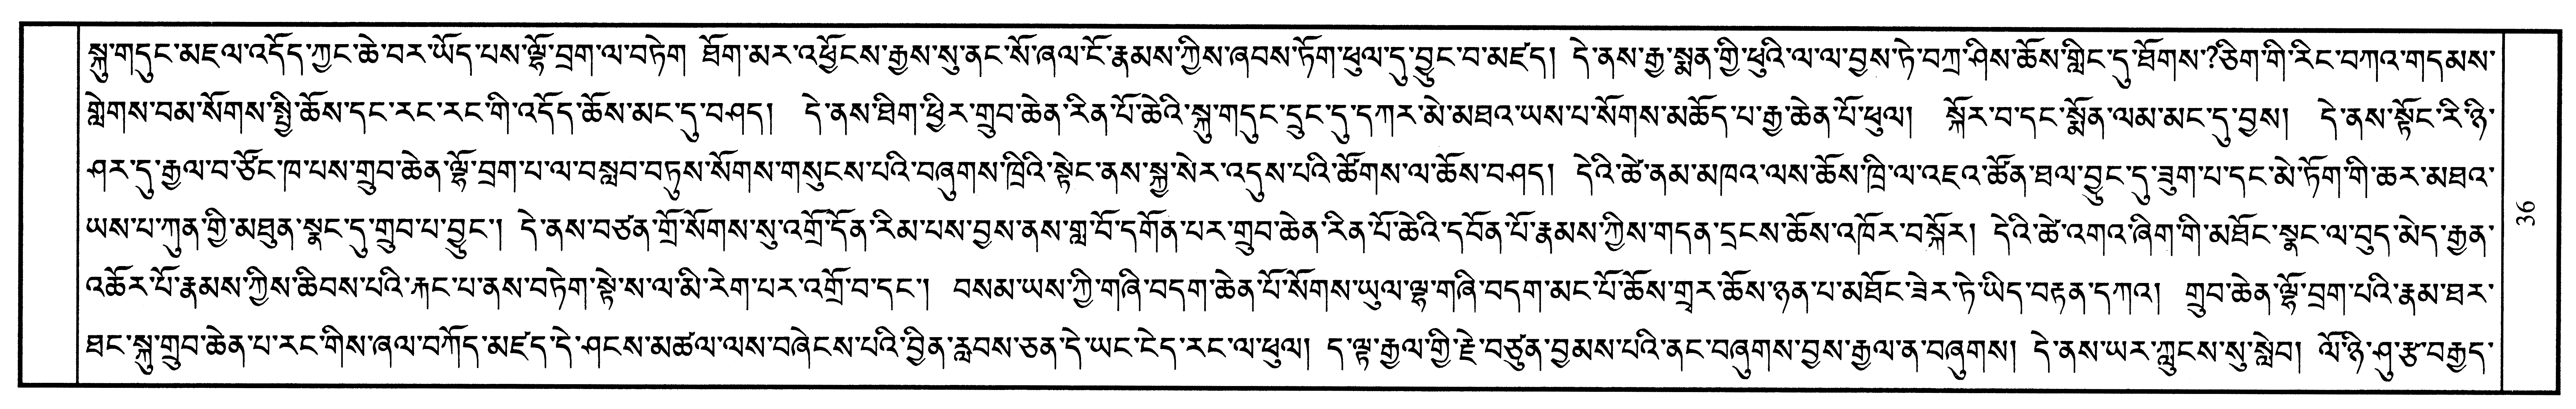སྐུ་གདུང་མཇལ་འདོད་ཀྱང་ཆེ་བར་ཡོད་པས་ལྷོ་བྲག་ལ་བཏེག །ཐོག་མར་འཕྱོངས་རྒྱས་སུ་ནང་སོ་ཞལ་ངོ་རྣམས་ཀྱིས་ཞབས་ཏོག་ཕུལ་དུ་བྱུང་བ་མཛད། དེ་ནས་རྒྱ་སྨན་གྱི་ཕུའི་ལ་ལ་བྱས་ཏེ་བཀྲ་ཤིས་ཆོས་གླིང་དུ་ཐོགས་།ཅིག་གི་རིང་བཀའ་གདམས་
གླེགས་བམ་སོགས་སྤྱི་ཆོས་དང་རང་རང་གི་འདོད་ཆོས་མང་དུ་བཤད། དེ་ནས་ཐིག་ཕྱིར་གྲུབ་ཆེན་རིན་པོ་ཆེའི་སྐུ་གདུང་དྲུང་དུ་དཀར་མེ་མཐའ་ཡས་པ་སོགས་མཆོད་པ་རྒྱ་ཆེན་པོ་ཕུལ། སྐོར་བ་དང་སྨོན་ལམ་མང་དུ་བྱས། དེ་ནས་སྟོང་རི་ཉི་
ཤར་དུ་རྒྱལ་བ་ཙོང་ཁ་པས་གྲུབ་ཆེན་ལྷོ་བྲག་པ་ལ་བསླབ་བཏུས་སོགས་གསུངས་པའི་བཞུགས་ཁྲིའི་སྟེང་ནས་སྐྱ་སེར་འདུས་པའི་ཚོགས་ལ་ཆོས་བཤད། དེའི་ཚེ་ནམ་མཁའ་ལས་ཆོས་ཁྲི་ལ་འཇའ་ཚོན་ཐལ་བྱུང་དུ་ཟུག་པ་དང་མེ་ཏོག་གི་ཆར་མཐའ་
ཡས་པ་ཀུན་གྱི་མཐུན་སྣང་དུ་གྲུབ་པ་བྱུང་། དེ་ནས་བཙན་གྲོ་སོགས་སུ་འགྲོ་དོན་རིམ་པས་བྱས་ནས་གླ་བོ་དགོན་པར་གྲུབ་ཆེན་རིན་པོ་ཆེའི་དབོན་པོ་རྣམས་ཀྱིས་གདན་དྲངས་ཆོས་འཁོར་བསྐོར། དེའི་ཚེ་འགའ་ཞིག་གི་མཐོང་སྣང་ལ་བུད་མེད་རྒྱན་
འཆོར་པོ་རྣམས་ཀྱིས་ཆིབས་པའི་རྐང་པ་ནས་བཏེག་སྟེ་ས་ལ་མི་རེག་པར་འགྲོ་བ་དང་། བསམ་ཡས་ཀྱི་གཞི་བདག་ཆེན་པོ་སོགས་ཡུལ་ལྷ་གཞི་བདག་མང་པོ་ཆོས་གྲྭར་ཆོས་ཉན་པ་མཐོང་ཟེར་ཏེ་ཡིད་བརྟན་དཀའ། གྲུབ་ཆེན་ལྷོ་བྲག་པའི་རྣམ་ཐར་
ཐང་སྐུ་གྲུབ་ཆེན་པ་རང་གིས་ཞལ་བཀོད་མཛད་དེ་ཤངས་མཚལ་ལས་བཞེངས་པའི་བྱིན་རླབས་ཅན་དེ་ཡང་ངེད་རང་ལ་ཕུལ། ད་ལྟ་རྒྱལ་གྱི་རྗེ་བཙུན་བྱམས་པའི་ནང་བཞུགས་བྱས་རྒྱལ་ན་བཞུགས། དེ་ནས་ཡར་ཀླུངས་སུ་སླེབ། ལོ་ཉི་ཤུ་རྩ་བརྒྱད་